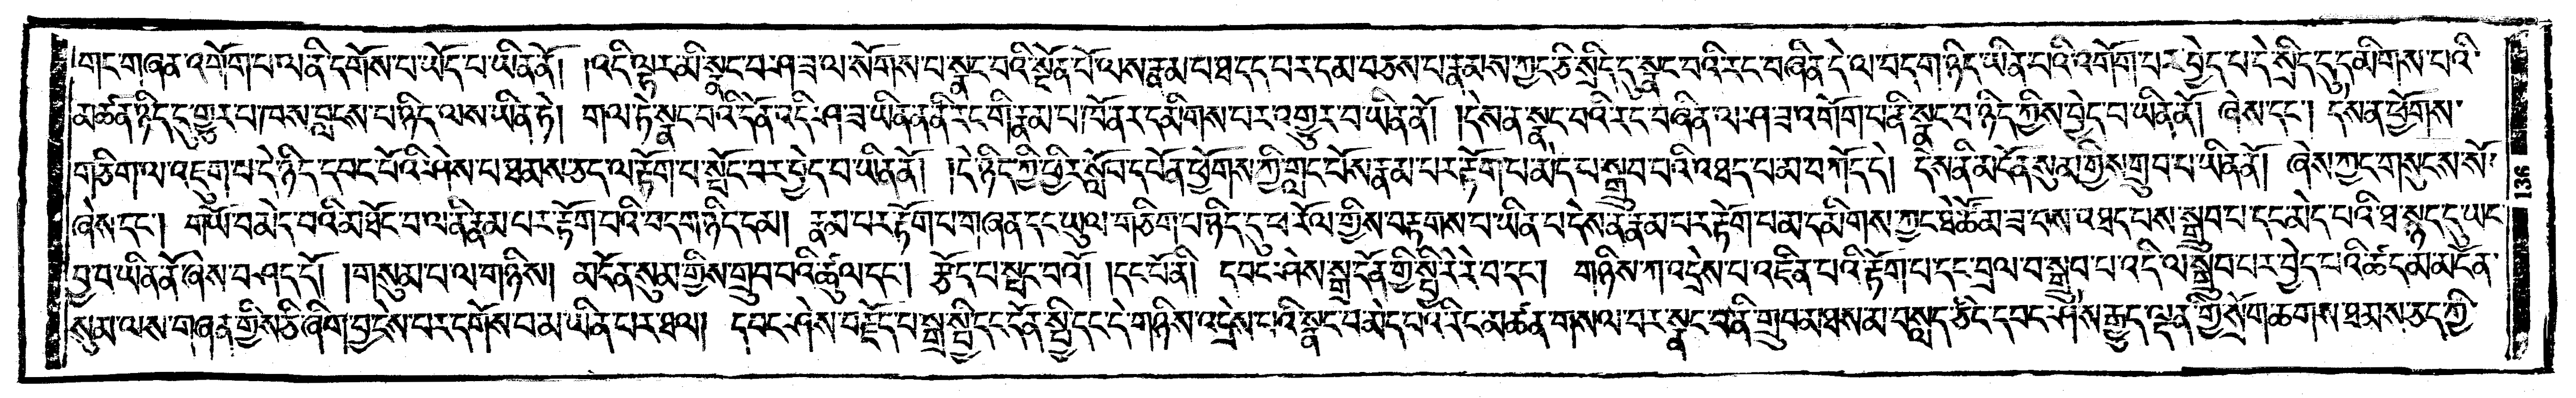གང་གཞན་འགོག་པ་ལ་ནི་དགོས་པ་ཡོད་པ་ཡིན་ནོ། །འདི་ལྟར་མི་སྣང་བ་ཤ་ཟ་ལ་སོགས་པ་སྣང་བའི་སྔོན་པོ་ལས་རྣམ་པ་ཐ་དད་པར་དམ་བཅས་པ་རྣམས་ཀྱང་ཅི་སྲིད་དུ་སྣང་བའི་རང་བཞིན་དེ་ལ་བདག་ཉིད་ཡིན་པའི་འགོག་པར་བྱེད་པ་དེ་སྲིད་དུ་དམིགས་པའི་
མཚན་ཉིད་དུ་གྱུར་པ་ཁས་བླངས་པ་ཉིད་ལས་ཡིན་ཏེ། གལ་ཏེ་སྣང་བའི་དོན་འདི་ཤ་ཟ་ཡིན་ན་ནི་རང་གི་རྣམ་པ་ཁོ་ནར་དམིགས་པར་འགྱུར་བ་ཡིན་ནོ། །དེས་ན་སྣང་བའི་རང་བཞིན་ལ་ཤ་ཟ་འགོག་པ་ནི་སྣང་བ་ཉིད་ཀྱིས་བྱེད་པ་ཡིན་ནོ། ཞེས་དང་། དེས་ན་ཕྱོགས་
གཅིག་ལ་འཇུག་པ་དེ་ཉིད་དབང་པོའི་ཤེས་པ་ཐམས་ཅད་ལ་རྟོག་པ་སྤོང་བར་བྱེད་པ་ཡིན་ནོ། །དེ་ཉིད་ཀྱི་ཕྱིར་སློབ་དཔོན་ཕྱོགས་ཀྱི་གླང་པོས་རྣམ་པར་རྟོག་པ་མེད་པ་སྒྲུབ་པའི་འཐད་པ་མ་བཀོད་དེ། དེས་ནི་མངོན་སུམ་གྱིས་གྲུབ་པ་ཡིན་ནོ། ཞེས་ཀྱང་གསུངས་སོ་
ཞེས་དང་། གཡོ་བ་མེད་པའི་མཐོང་བ་ལ་ནི་རྣམ་པར་རྟོག་པའི་བདག་ཉིད་དམ། རྣམ་པར་རྟོག་པ་གཞན་དང་ཡུལ་གཅིག་པ་ཉིད་དུ་ཕ་རོལ་གྱིས་བརྟགས་པ་ཡིན་པ་དེས་ན་རྣམ་པར་རྟོག་པ་མ་དམིགས་ཀྱང་ཐེ་ཚོམ་ཟ་བས་འཐད་པས་སྒྲུབ་པ་དང་མེད་པའི་ཐ་སྙད་དུ་ཡང་
བྱ་བ་ཡིན་ནོ་ཞེས་བཤད་དོ། །གསུམ་པ་ལ་གཉིས། མངོན་སུམ་གྱིས་གྲུབ་པའི་ཚུལ་དང་། རྩོད་པ་སྤང་བའོ། །དང་པོ་ནི། དབང་ཤེས་སྒྲ་དོན་གྱི་སྤྱི་རེ་རེ་བ་དང་། གཉིས་ཀ་འདྲེས་པ་འཛིན་པའི་རྟོག་པ་དང་བྲལ་བ་སྒྲུབ་པ་འདི་ལ་སྒྲུབ་པར་བྱེད་པའི་ཚད་མ་མངོན་
སུམ་ལས་གཞན་གྱིས་ཅི་ཞིག་བྱ་ངེས་པར་དགོས་པ་མ་ཡིན་པར་ཐལ། དབང་ཤེས་བརྗོད་པ་སྒྲ་སྤྱི་དང་དོན་སྤྱི་དང་དེ་གཉིས་འདྲེས་པའི་སྣང་བ་མེད་པའི་རང་མཚན་གསལ་བར་སྣང་བ་ནི་གྲུབ་མཐས་མ་བསླད་ཅིང་དབང་ཤེས་རྒྱུད་ལྡན་གྱི་སྲོག་ཆགས་ཐམས་ཅད་ཀྱི་